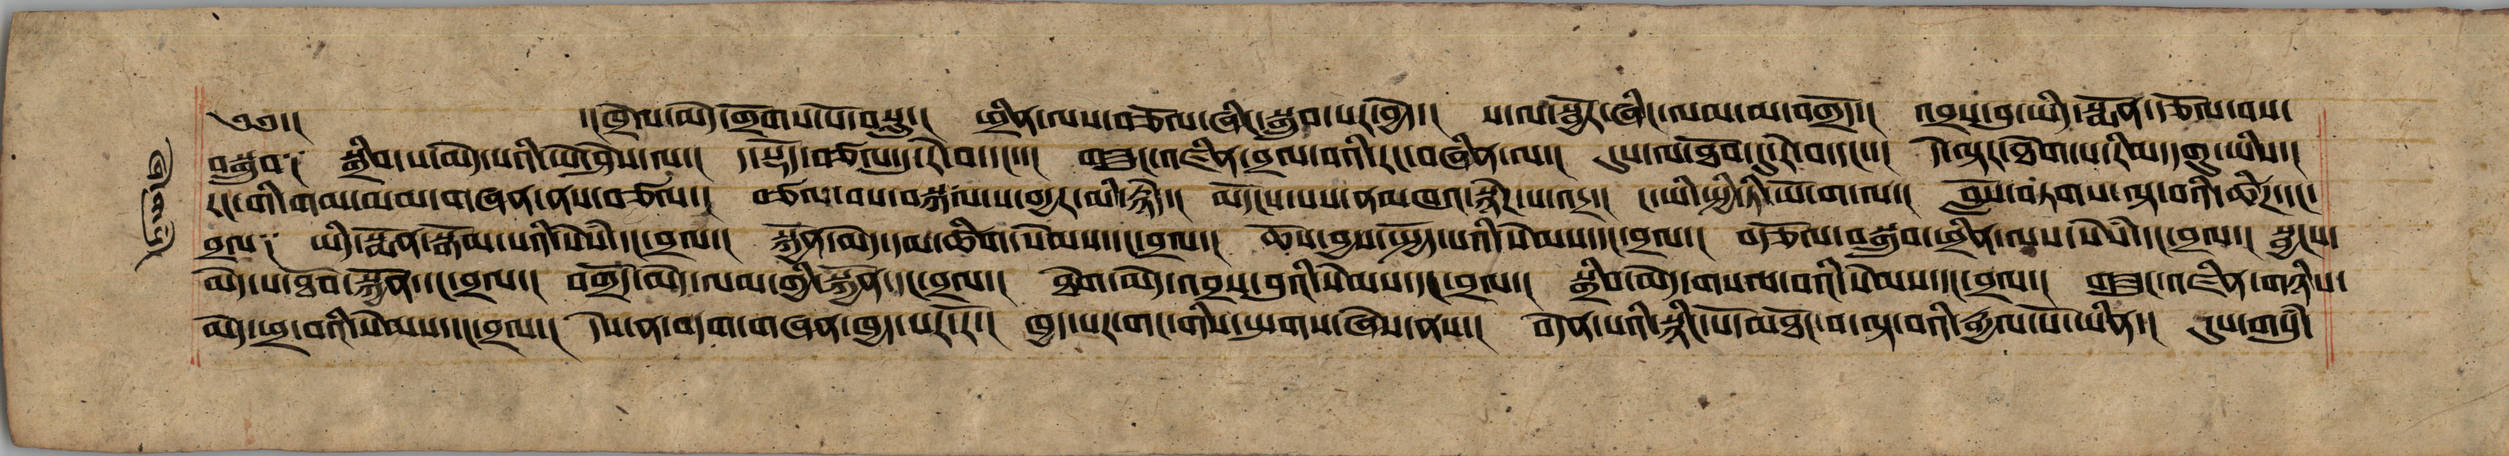༄༅་། ་།ཁྲེལ་མེད་གྲོགས་པོ་བསླུ་། ཕྲིན་ལས་བཅོལ་ཞིང་སྒྲུབ་པར་བྱེད་། ས་ལ་སྦྱོར་ཞིང་ལམ་ལ་བགྲོད་། འབྲས་བུ་ཡིད་སྨོན་རྩོལ་བས་
བསྒྲུབ༑ སྒྲིབ་པ་མེད་པའི་ཡེ་ཤེས་ལ་། ད་སྡོད་བཙལ་དུ་རེ་བ་དངས་། གཟུང་འཛིན་བྲལ་བའི་རང་བཞིན་ལ་། དུས་ལ་ཐོབ་དུ་རེ་བ་དངས། དེ་ལྟར་ཐེག་པ་རིམ་དགུ་ཡིས་།
རང་གི་གམ་མམ་གཞན་ནས་བཙལ་། བཙལ་བས་བསྐལ་པ་བདྱར་མི་རྙེད་། མདོངས་པས་ནམཁའ་སྙེཌ་པ་འདྲ་། ང་ཡི་སྤྱི་ཏི་ཡོ་ག་ལ་། བློས་བཏགས་ལྟ་བའི་ཚིཌ་དང་
བྲལ། ཡིད་སྨོན་སྒོམ་པའི་སེཾས་དང་བྲལ་། སྐྱོན་མེད་དམ་ཚིག་སེམས་དང་བྲལ་། ཆོས་བྱས་སྤྱོད་པའི་སེམས་དང་བྲལ་། བརྩོལ་བསྒྲུབ་ཕྲིན་ལས་སེཾས་དང་བྲལ་། སྦྱངས་
མེད་པ་ཐོབ་སྐྱོན་དང་བྲལ་། བགྲོད་མེད་ལམ་གྱི་སྐྱོན་དང་བྲལ་། ཐེག་མེད་འབྲས་བུའི་སེམས་དང་བྲལ་། སྒྲིབ་མེད་གསལ་བའི་སེམས་དང་བྲལ་། གཟུང་འཛིན་གཉིས་
མེད་ཕྲ་བའི་སེམས་དང་བྲལ་། དེས་ན་བདག་གཞན་ཁྱད་པར་རོ་། ཁྱད་པར་གང་གིས་སྤགས་ཞེས་ནས་། བདེན་པའི་སྙིང་པོ་མཐོང་བ་ལྟ་བའི་རྒྱལ་པོ་ཡིན་། དུས་གསུཾ་